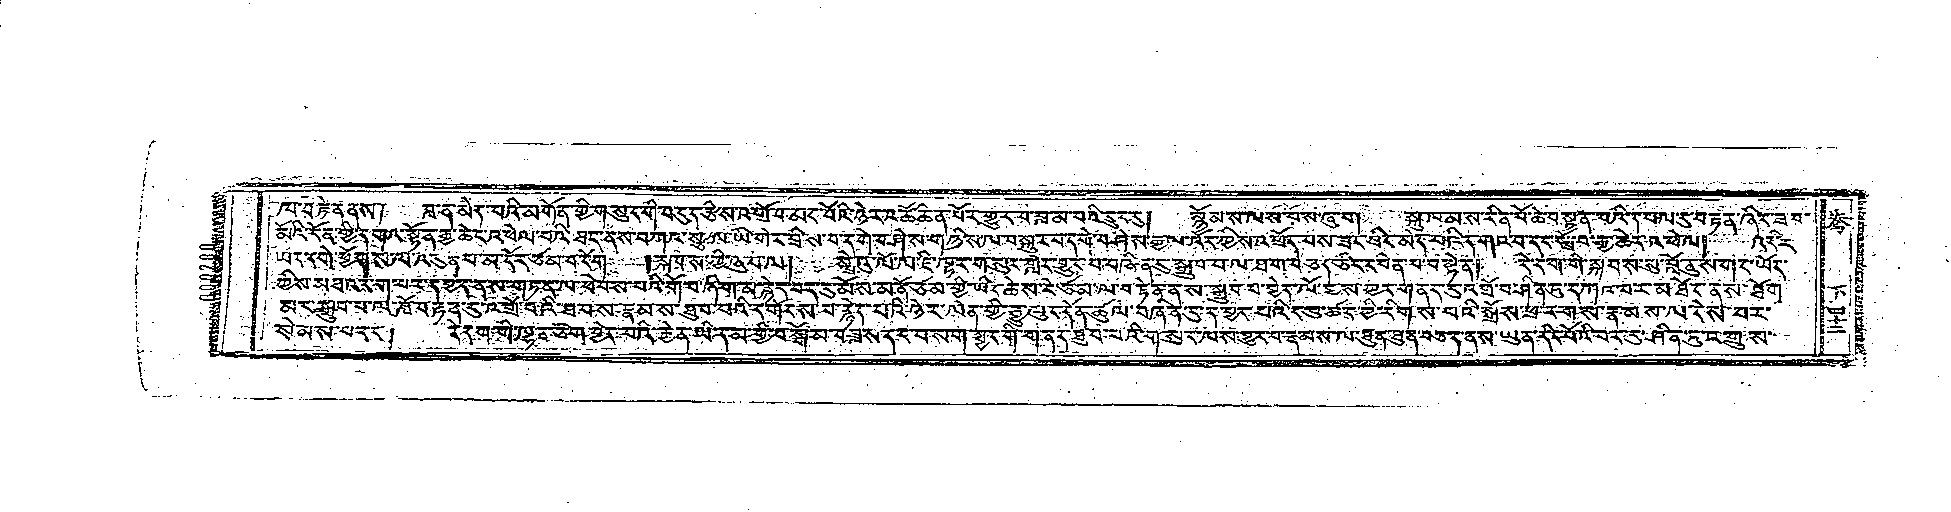ལ་བརྟེན་ནས། བླ་ན་མེད་པའི་མགོན་གྱི་གསུང་གི་བདུད་རྩིས་འགྲོ་བ་མང་བོའི་ཉེར་འཚོ་ཆེན་པོར་གྱུར་པ་བླ་མ་པའི་དྲུང་དུ། སྙོམས་ལས་པས་ཞུ་བ། སྐུ་ཁམས་རིན་པོ་ཆེ་བསྟན་པའི་དཔལ་དུ་བརྟན་ཞིང་ཟབ་
མོའི་དོན་གྱི་དགའ་སྟོན་རྒྱན་ཆེད་འཕེལ་བའི་ཐང་ནས་བཀའ་སྩལ་ཡི་གེར་བྲིས་བ་དགེ་བཤེས་གཉིས་ལ་བསྐུར་བ་དགེ་བཤེས་རྒྱལ་འོད་ཀྱིས་འཕྲོས་པས་ཟང་ཟིང་མེད་པའི་དགའ་བ་དང་སྤྲོ་བ་རྒྱ་ཆེར་འཕེལ། འདིར་
ཡང་དགེ་ཕྱོགས་ལ་འདུན་པ་མ་དོར་ཙམ་པ་དོག །སྐབས་ཀྱི་ཞུ་བ་ལ། སྤྲེའུ་ལོ་ལ་ཇི་ལྟར་གསུང་གླེང་བྱུང་བ་བཞིན་དུ་སྒྲུབ་པ་ལ་ཐག་བཅད་ཅིང་དབེན་པ་བསྟེན། དེ་དག་གི་སྐབས་སུ་བློ་ནུས་གང་ཡོད་
ཀྱིས་མཐའ་དག་བར་དབྱར་ནས་གཏན་ལ་ཕེབས་པའི་གོ་བ་ཉིག་མ་རྙེད་བར་དུ་མོས་མནོ་ཙམ་གྱི་ཡིད་ཆེས་དེ་ཙམ་ལ་བརྟེན་ནས་སྒྲུབ་པ་བྱེད་ལོ་བྱས་ཀྱང་ངད་དུ་འགྲོ་བ་ཤིན་ཏུ་དཀའ་བར་མཐོང་ནས་ཐོག་
མར་སྒྲུབ་པ་ལ་བློ་བརྟན་དུ་འགྲོ་བའི་ཐབས་རྣམས་ཐུབ་པའི་དགོངས་པ་རྙེད་པའི་ཉེར་ལེན་གྱི་རྒྱུ་ལུང་དོན་ཚུལ་བཞིན་དུ་དཔྱད་པའི་དབུ་ཚད་ཀྱི་རིགས་པའི་སྒྲོས་ཕྲ་རགས་རྣམས་ལ་ངེས་པར་
སེམས་པ་དང་། དེ་དག་གི་ལྷན་ཅིག་བྱེད་པའི་རྐྱེན་ཡིད་དམ་གྱི་བསྒོམ་བཟླས་དང་བསག་སྦྱང་གི་གནད་ཐུབ་པའི་གསུང་ལས་གྱུར་བ་རྣམས་ལ་ཐུན་ཐུན་བཅད་ན་ཡུན་རིང་པོའི་བར་དུ་ཤིན་ཏུ་འགྲུས་